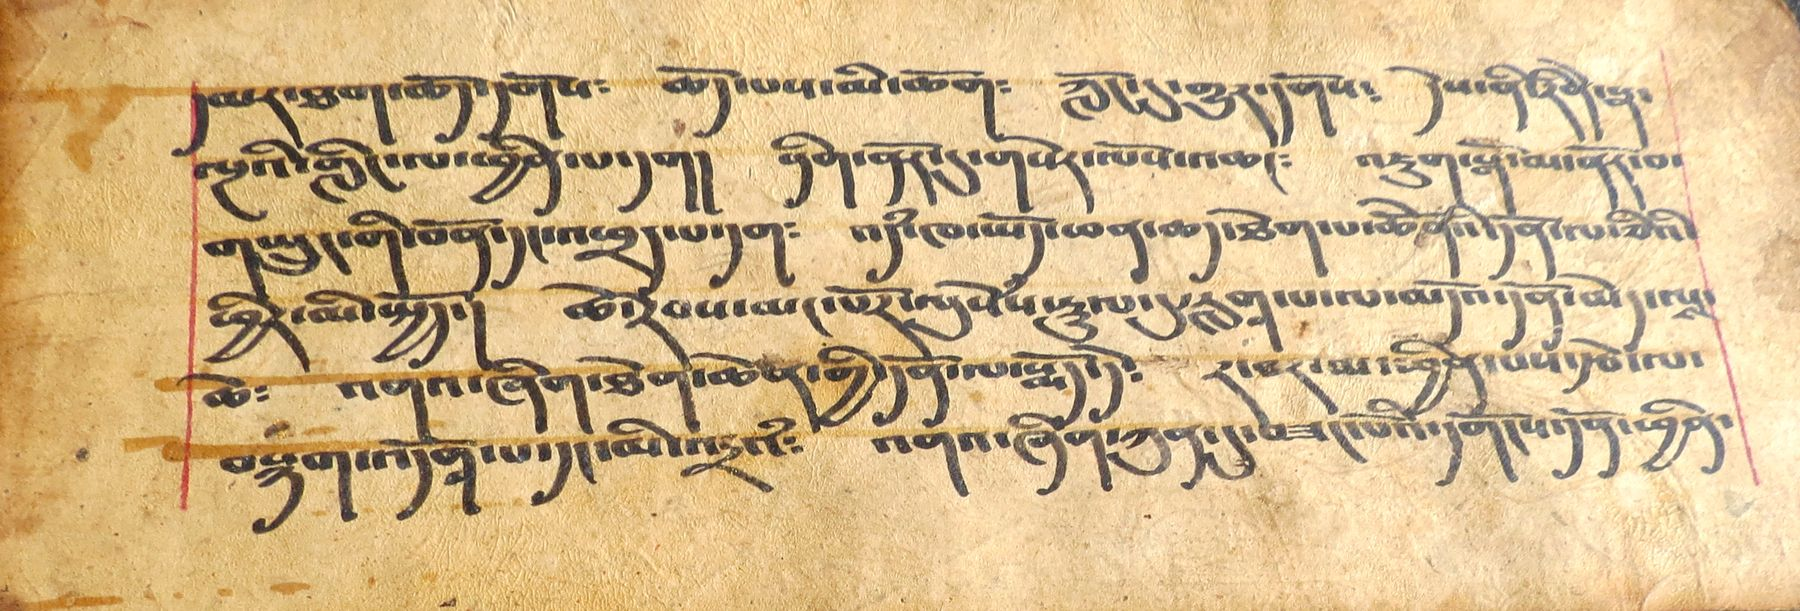དམར་ཐག་ཆོད་དགོས། ཆོད་པས་མི་ཆོག་ཀློང་དུ་གྱུར་དགོས། དེ་ནས་རིན་ཆེན་སྣ་
ལྔའི་གླིང་ལ་ཕྱིན་པ་དག སྙིང་ནོར་དུ་གསེར་ལོས་འཆང་། འཇུག་སྒོ་མ་ནོར་བ་
གཡུང་དྲུང་གི་བོན་དང་འཕྲད་པ་དག གདམས་ཁ་ཡོད་ཕན་ཆོད་ཐེག་པ་ཆེན་པོའི་དོན་ལ་ཅིའི་
ཕྱིར་མི་སྤྱོད། ཚེ་རབས་མང་པོར་ལུས་སེམས་རྡུལ་དུ་བརླགས་པ་ལ་མདོ་དོན་མེད་ལས་
ཆེ། འགའ་ཞིག་ཐེག་ཆེན་གྱི་བོན་སྨོད་དེ། རྭ་བར་མ་ཕྱིན་པར་རྩེ་ལ་
བསྙག་འདོགས་པ་དང་མི་འདྲའམ། འགའ་ཞིག་ཀུན་ཏུ་བཟང་པོའི་དགོངས་དོན་ཕྱིན་